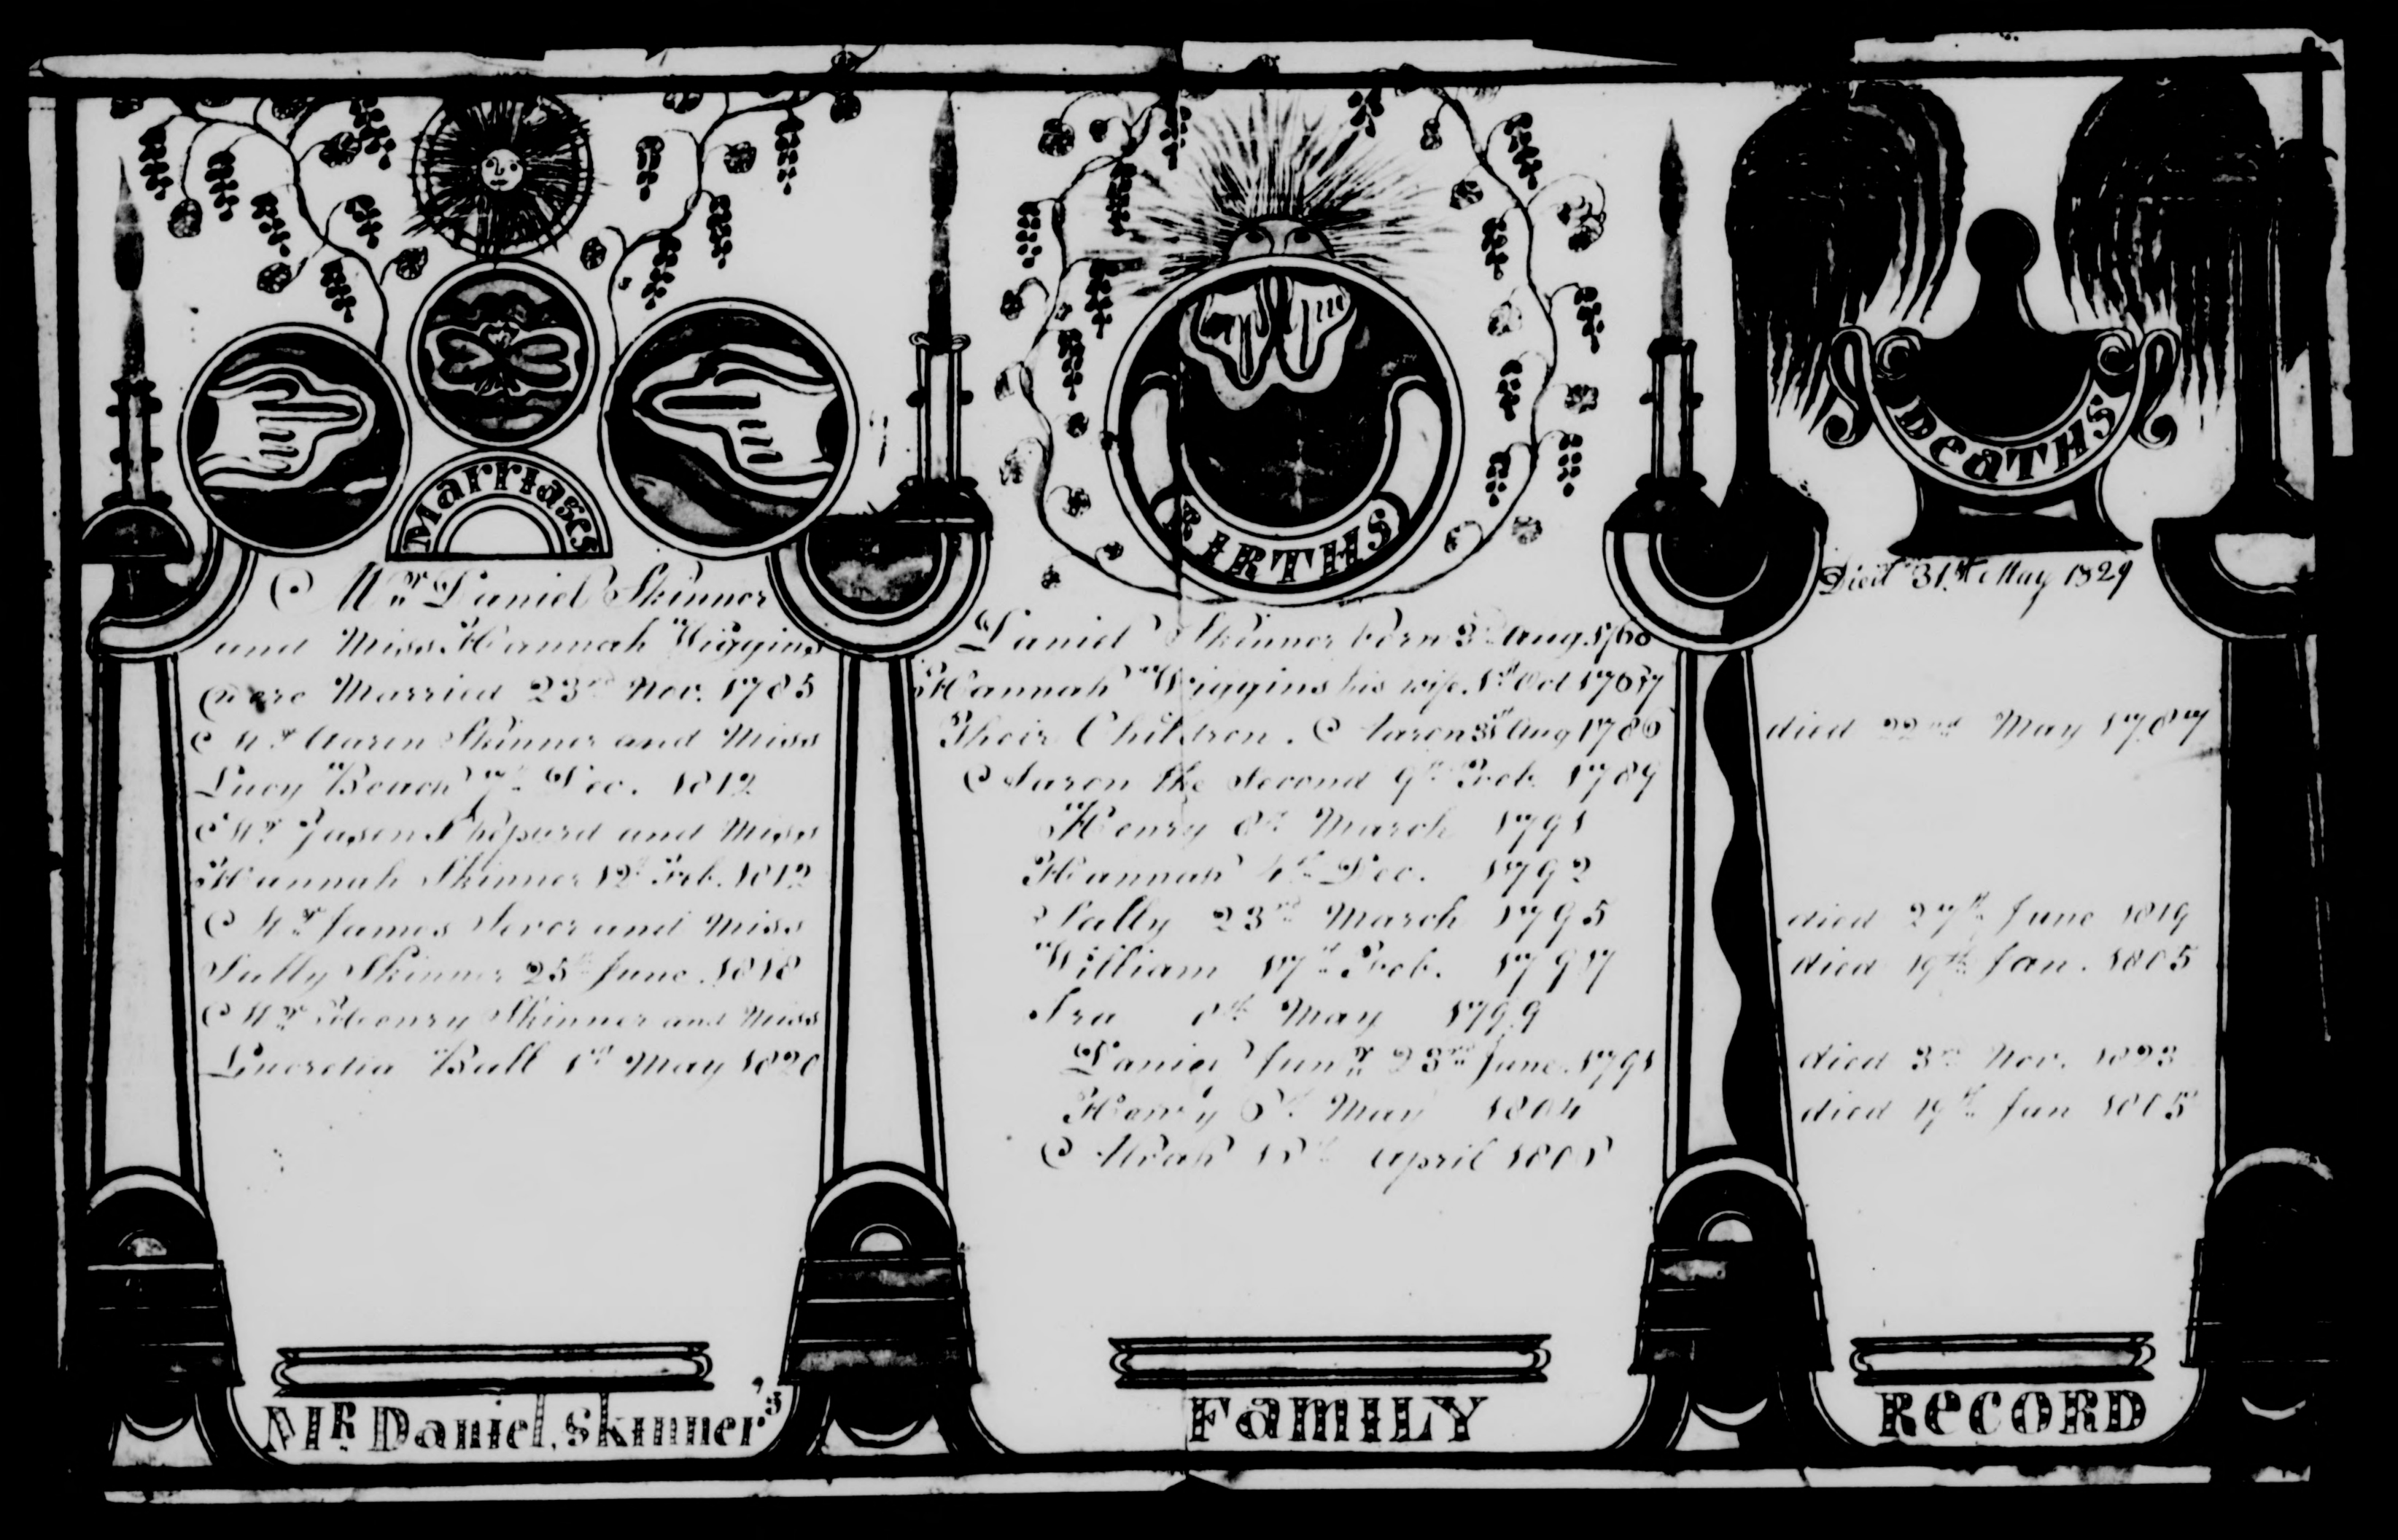(Three pages of a record illustrated)
Page 1
MARRIAGES
Mr. Daniel Skinner
and Miss Hannah Wiggins
were Married 23 Nov. 1785
Mr. Waren Skinner and
Lucy Bench Dec. 1812
Mr. Jason Shepard and Miss
Hannah Skinnner 12 Feb 1812
Mr. James Sever and Miss
Sally Skinner: 23 June 1818
Mr. Henry Skinner and Miss
Lauretin Ball 1st May 1820

Mr. Daniel Skinner's

(page 2)
BIRTHS
Daniel Skinner born 3rd Aug. 1760
Hannah Wiggins his wife 8th Oct 1767
Their Children. @ Jasen 8th Aug. 1780
Aaron the Second 9th Feb. 1787
Henry C. March 1791
Hannah 4 Dec. 1792
Sally 23 March 1795
William 17 Feb. 1797
Ira  8th May 1799
James Jun 23rd June 179?
Henry 6th May 1804
Abrah 16th April 1806
on April 1881
FAMILY

(p. 3)
DEATHS
Died 31 May 1829
died 22nd May 1787
died 27th June 1819
died 19th Jan. 1805
died 3rd Nov 1823
died 16th June 1815
(these appear to be across from births)
RECORD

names: Sally [BLANK]; Hannah Wiggins; Hannah [BLANK]; Ira [BLANK]; James Severance; Henry [BLANK]; Lucretia Ball; Aaron Skinner; Hannah Wiggins; Hannah Skinner; Saron [BLANK]; Henry Skinner; Daniel Skinner; Uran [BLANK]; Sally Skinner; Aaron [BLANK]; Daniel [BLANK]; Henry [BLANK]; Lucy Beach; Jasen Shepard; William [BLANK]; Daniel Skinner; Daniel Skinner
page: 12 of 46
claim: widow's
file: W. 24976, for Daniel Skinner, New Hampshire